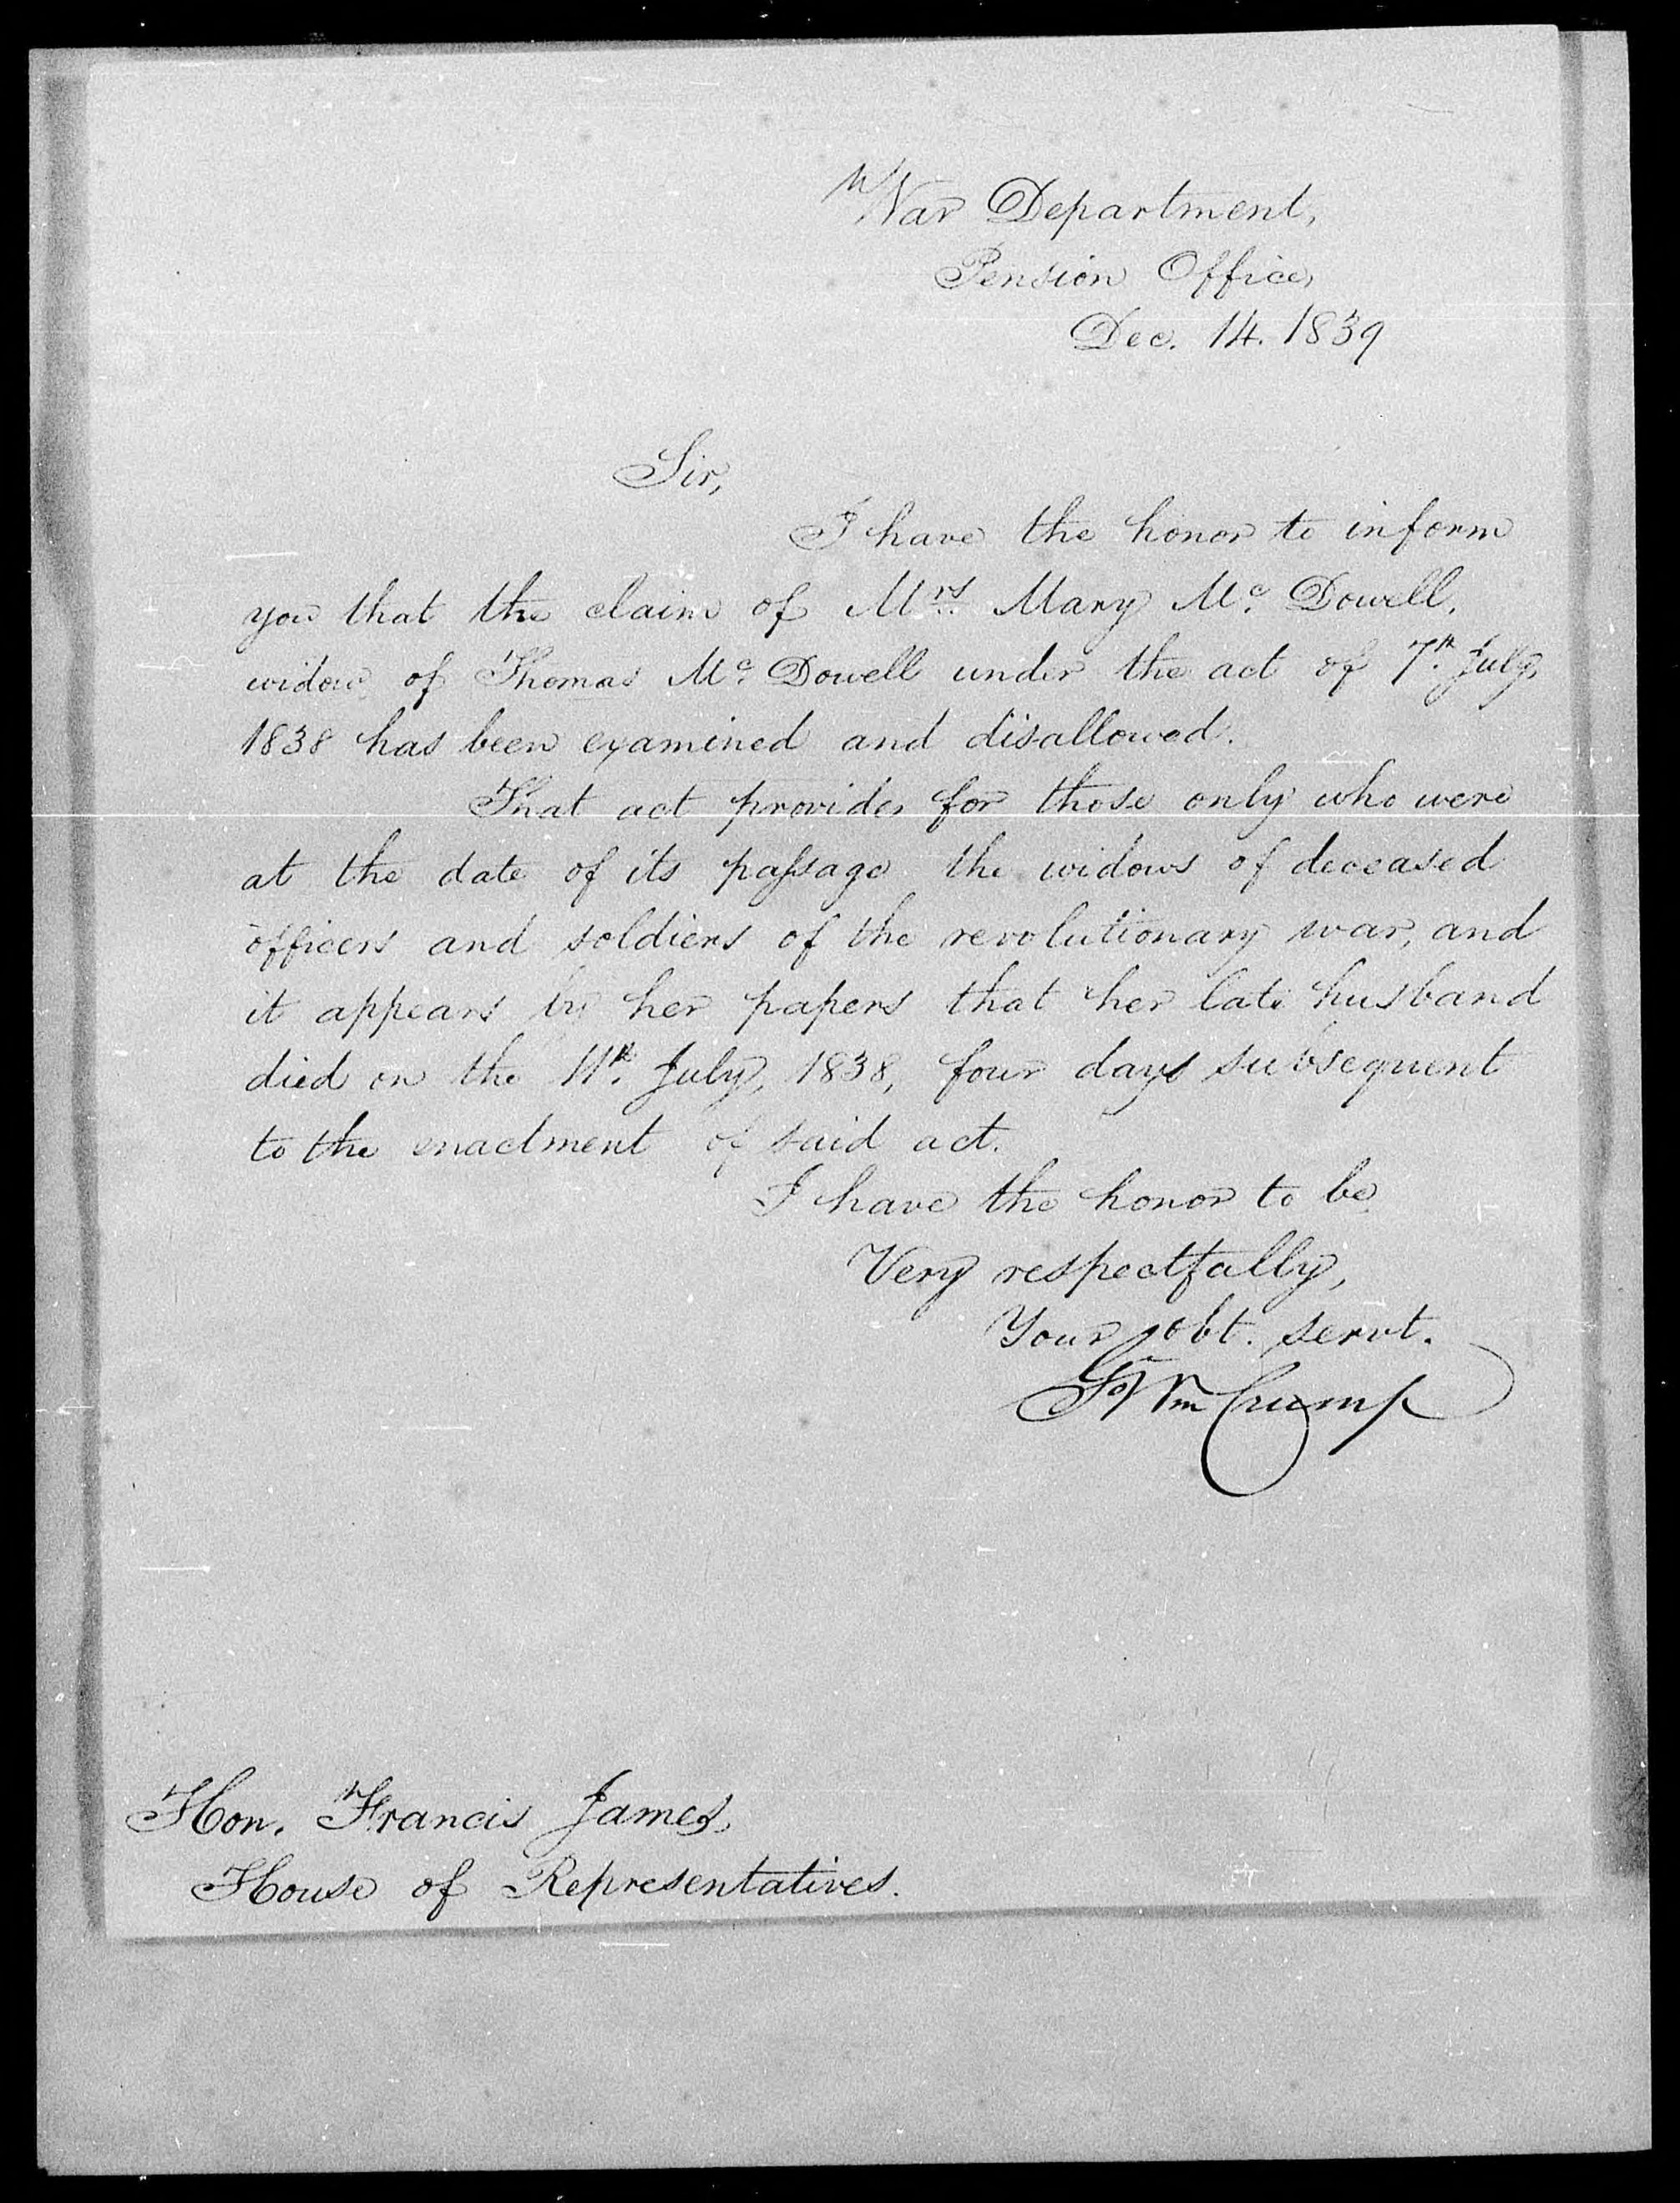Sir,

                I have the honor to inform you that the claim of Mrs. Mary McDowell, widow of Thomas McDowell under the act of 7th July, 1838 has been examined and disallowed.
         That act provides for those only who were at the date of its passage the widows of deceased officers and soldiers of the revolutionary war, and it appears by her papers that her late husband died on the 11th July, 1838, four days subsequent to the enactment of said act.
                     I have the honor to be,
                          Very respectfully,
                              Your Obt. servt.
                                 Go Wm Crump




Hon. Francis James,
    House of Representatives.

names: Go Wm Crump; Francis James; Thomas Mc Dowell; Mary Mc Dowell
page: 47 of 63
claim: widow's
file: W 2957, for Thomas Mc Dowell, Maryland